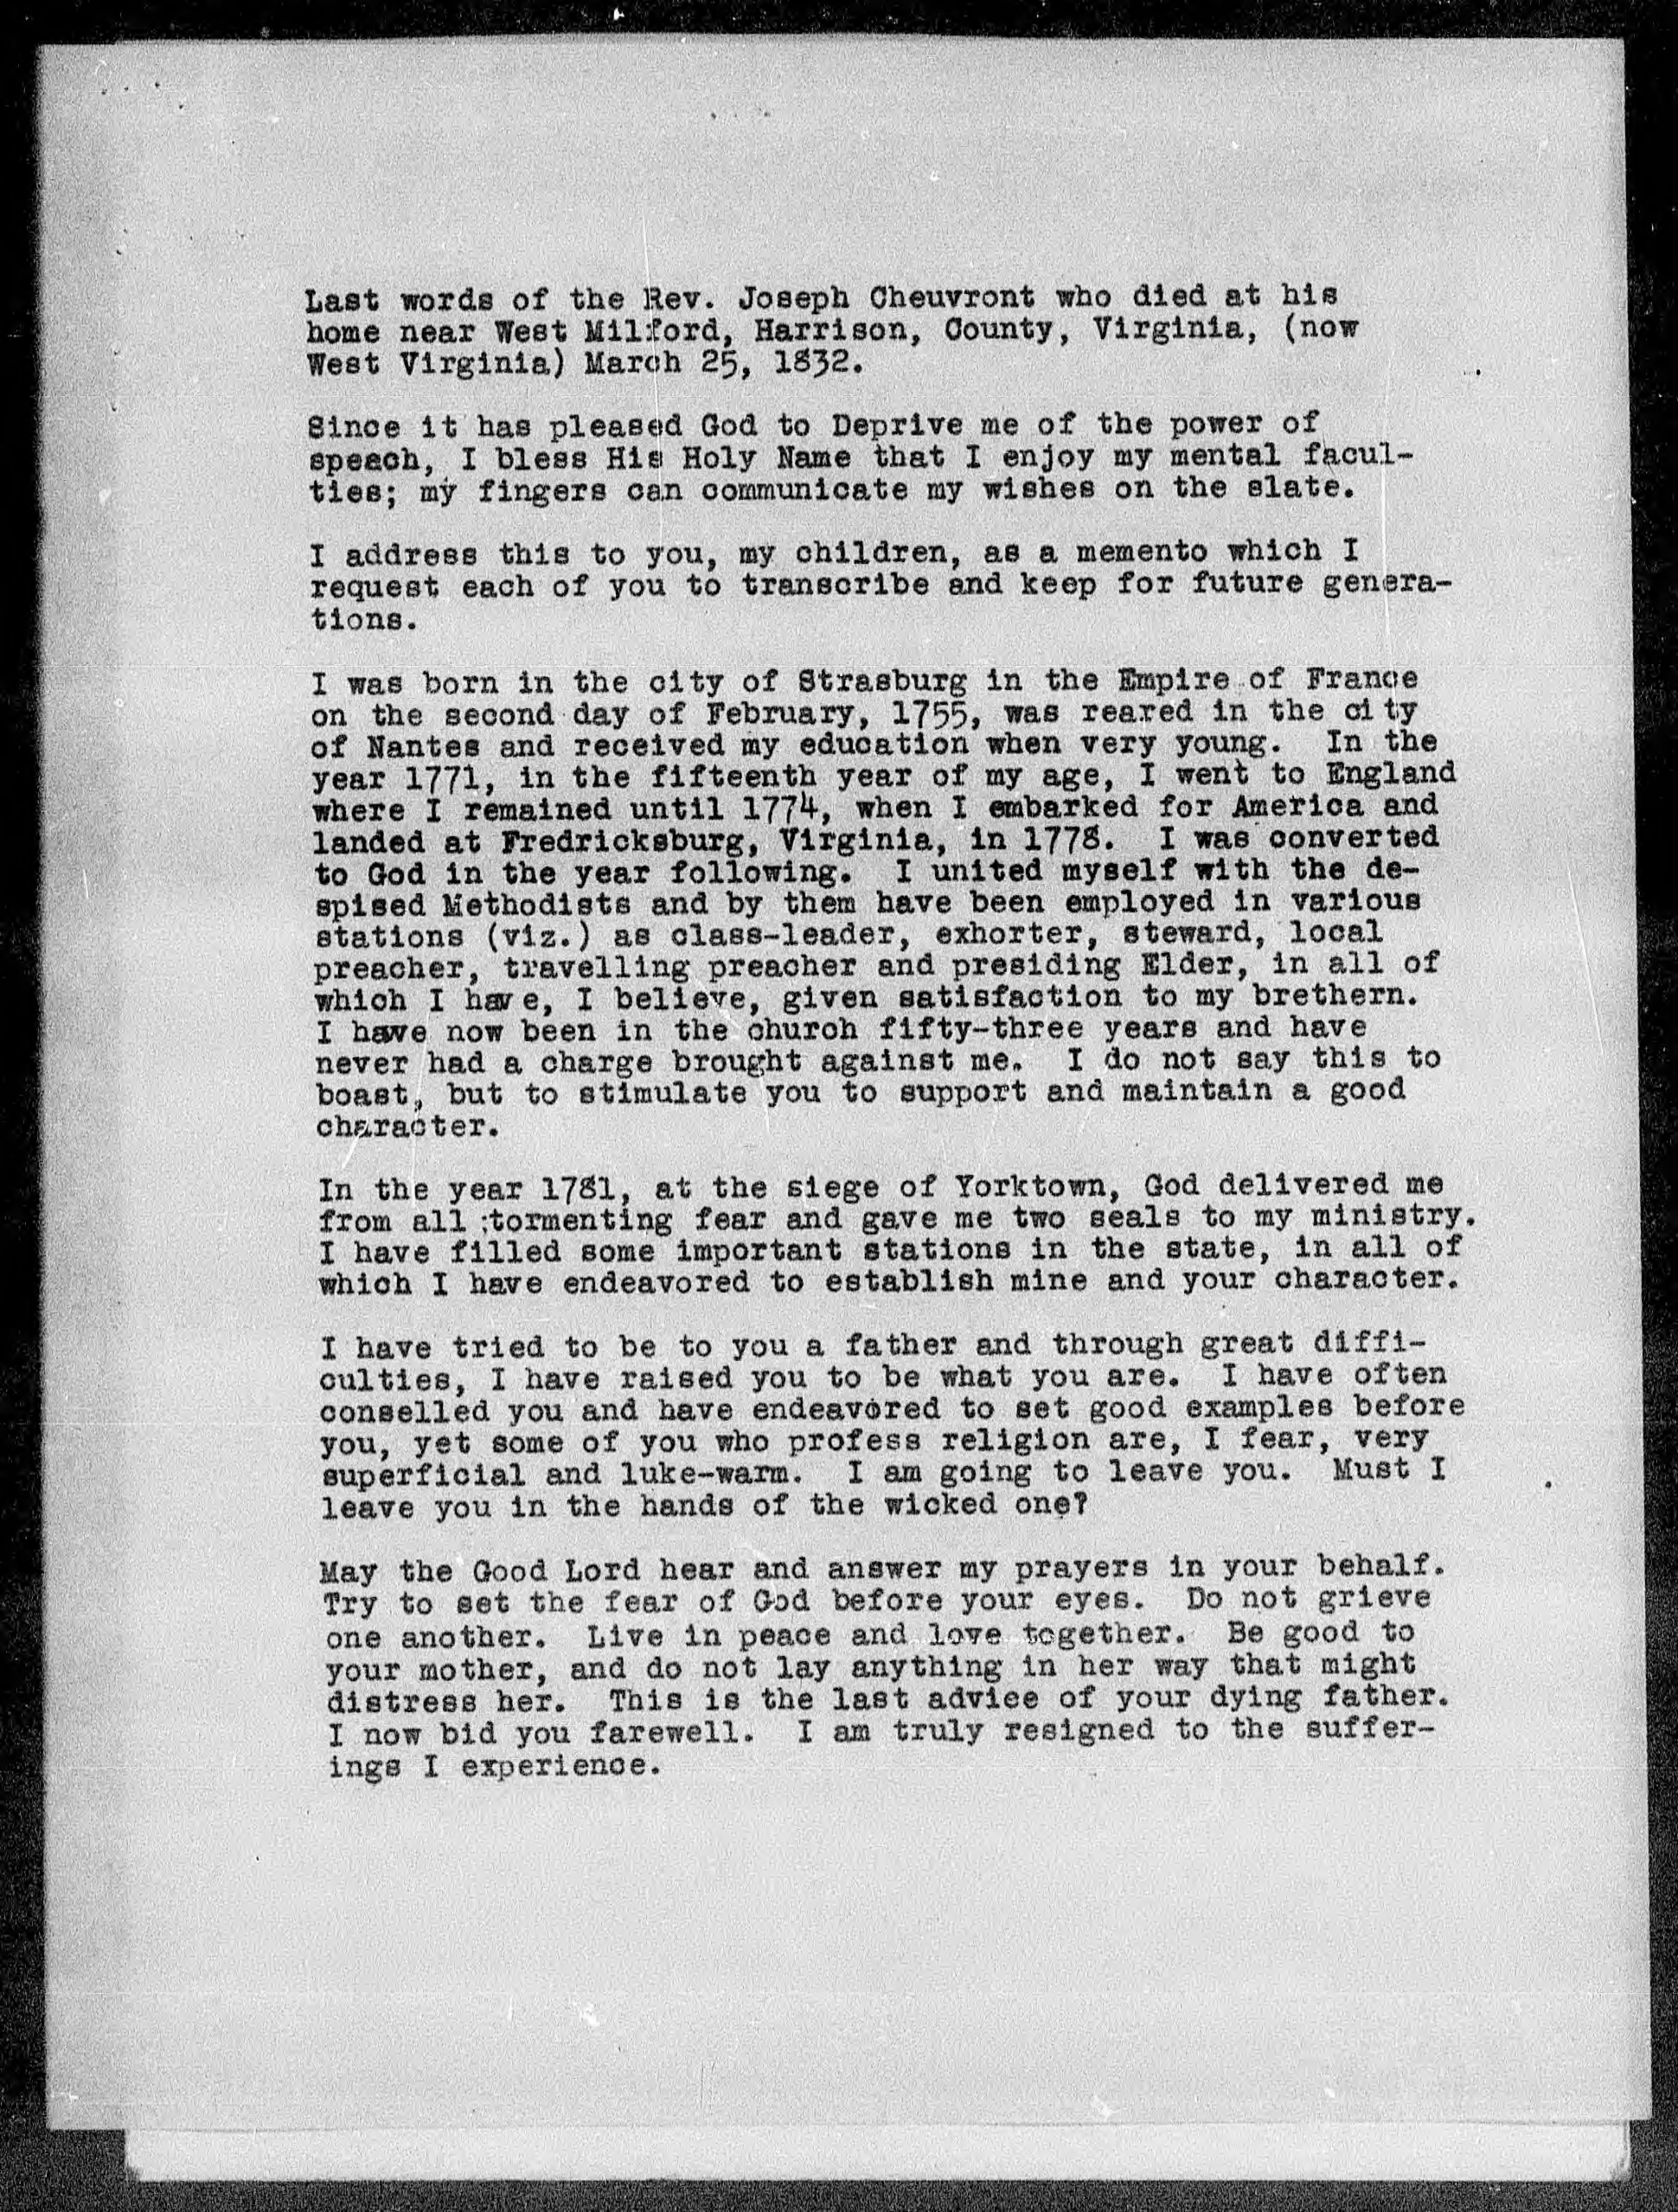Last words of the Rev. Joseph Cheuvront who died at his home near West Milford, Harrison, County, Virginia, (now West Virginia) March 25, 1832.
Since it has pleased God to Deprive me of the power of speech, I bless His Holy Name that I enjoy my mental faculties; my fingers can communicate my wishes on the slate.
I address this to you, my children, as a memento which I request each of you to transcribe and keep for future generations.
I was born in the city of Strasburg [Strasbourg] in the Empire of France on the second [2] day of February, 1755, was reared in the city of Nantes and received my education when very young. In the year 1771, in the fifteenth [15th] year of my age, I went to England where I remained until 1774, when I embarked for America and landed at Fredricksburg, [Fredericksburg] Virginia, in 1778. I was converted to God in the year following. I united my self with the despised Methodists and by them have been employed in various stations 9viz.) as class-leader, exhorter, steward, local preacher, travelling preacher and presiding Elder, in all of which I have, I believe, given satisfaction to my brethern [brethren]. I have now been in the church fifty-three [53] years and have never had a charge brought against me. I do not say this to boast, but to stimulate you to support and maintain a good character.
In the year 1781, at the siege of Yorktown, God delivered me from all tormenting fear and gave me two [2] seals to my ministry. I have filled some important stations in the state, in all of which I have endeavored to establish mine and your character.
I have tried to be to you a father and through great difficulties, I have raised you to be what you are. I have often conselled [counselled] you and have endeavored to set good examples before you, yet some of you who profess religion are, I fear, very superficial and luke-warm. I am going to leave you. Must I leave you in the hands of the wicked one?
May the Good Lord hear and answer my prayers in your behalf. Try to set the fear of God before your eyes. Do not grieve one another. Live in peace and love together. Be good to your mother, and do not lay anything in her way that might distress her. This is the last advice of your dying father. I now bid you farewell. I am truly resigned to the sufferings I experience.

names: Joseph Cheuvront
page: 14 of 21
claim: rejected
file: R. 1,907, Joseph Cheuvront, Va.